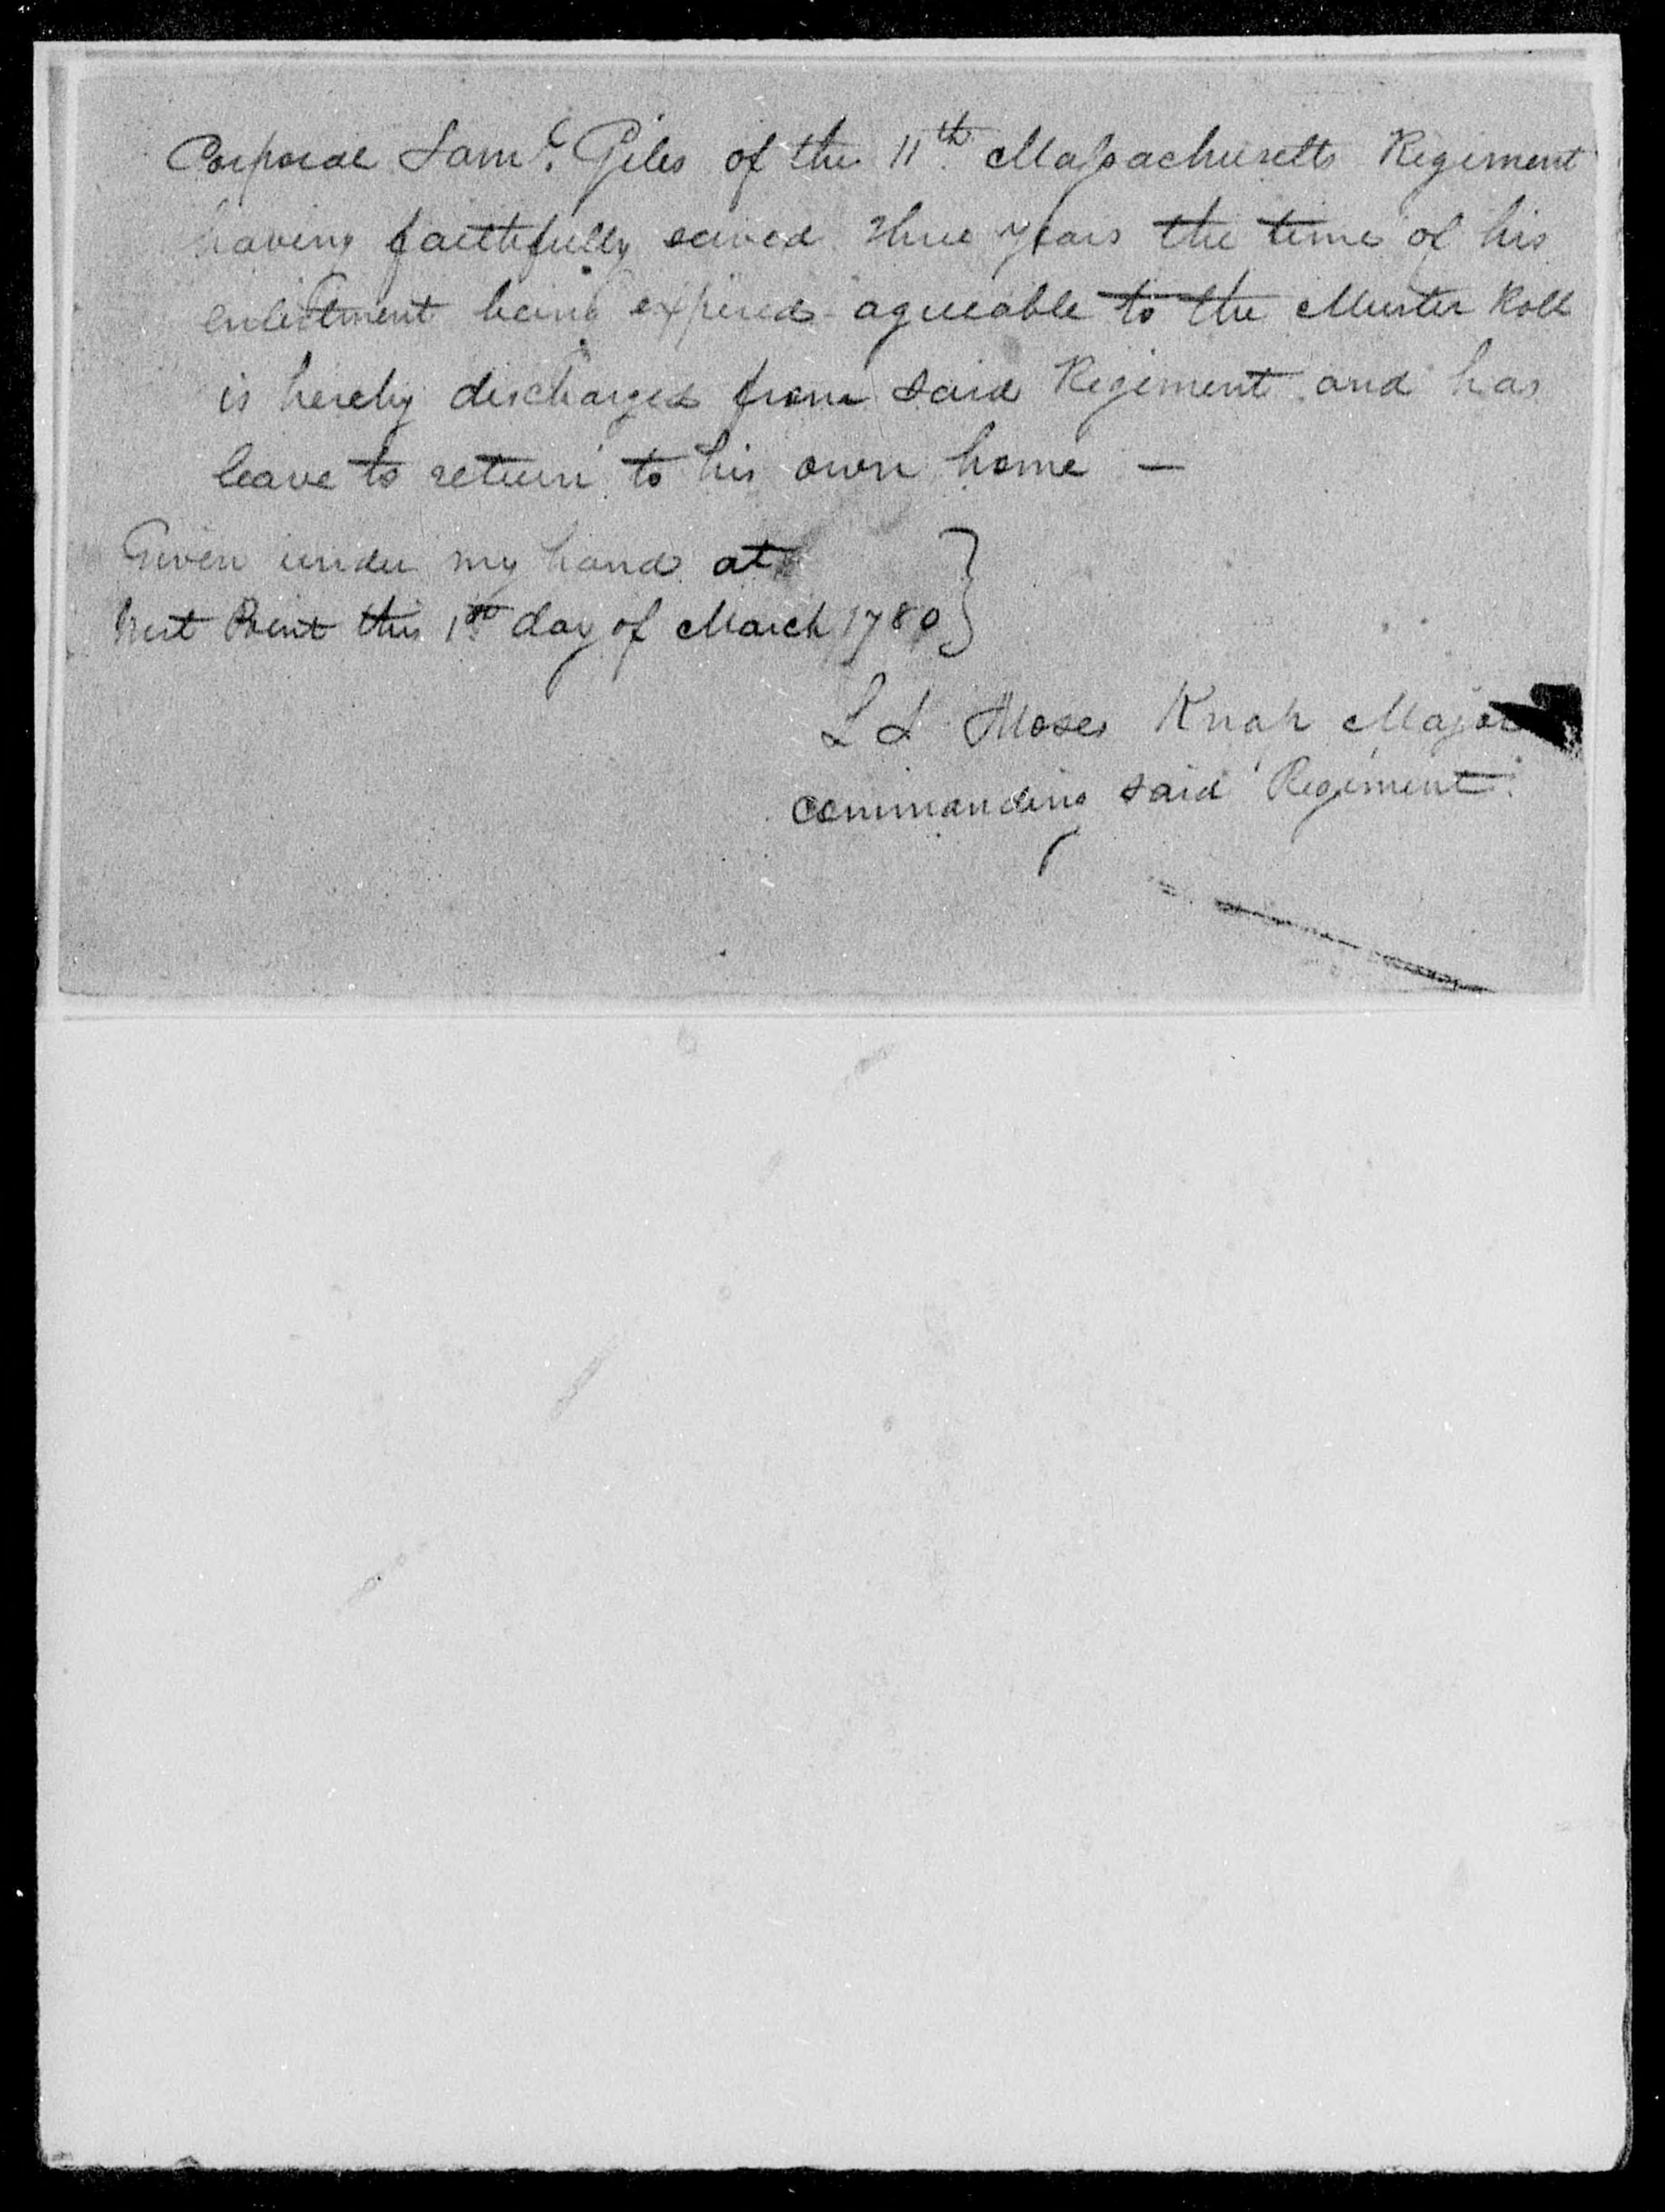[Handwritten]
Corporal Saml. Giles of the 11th Massachusetts Regiment having faithfully served three years the time of his enlistment being expired agreeable to the Muster Roll is hereby discharged from said Regiment and has leave to return to his own home - 
Given under my hand at West Point this 1st day of March 1780
L S Moses Knap Major
Commanding said Regiment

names: L S Moses Knap, Saml Giles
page: 30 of 55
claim: widow's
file: W. 19503, Samuel Giles, Conti. Mass. New York